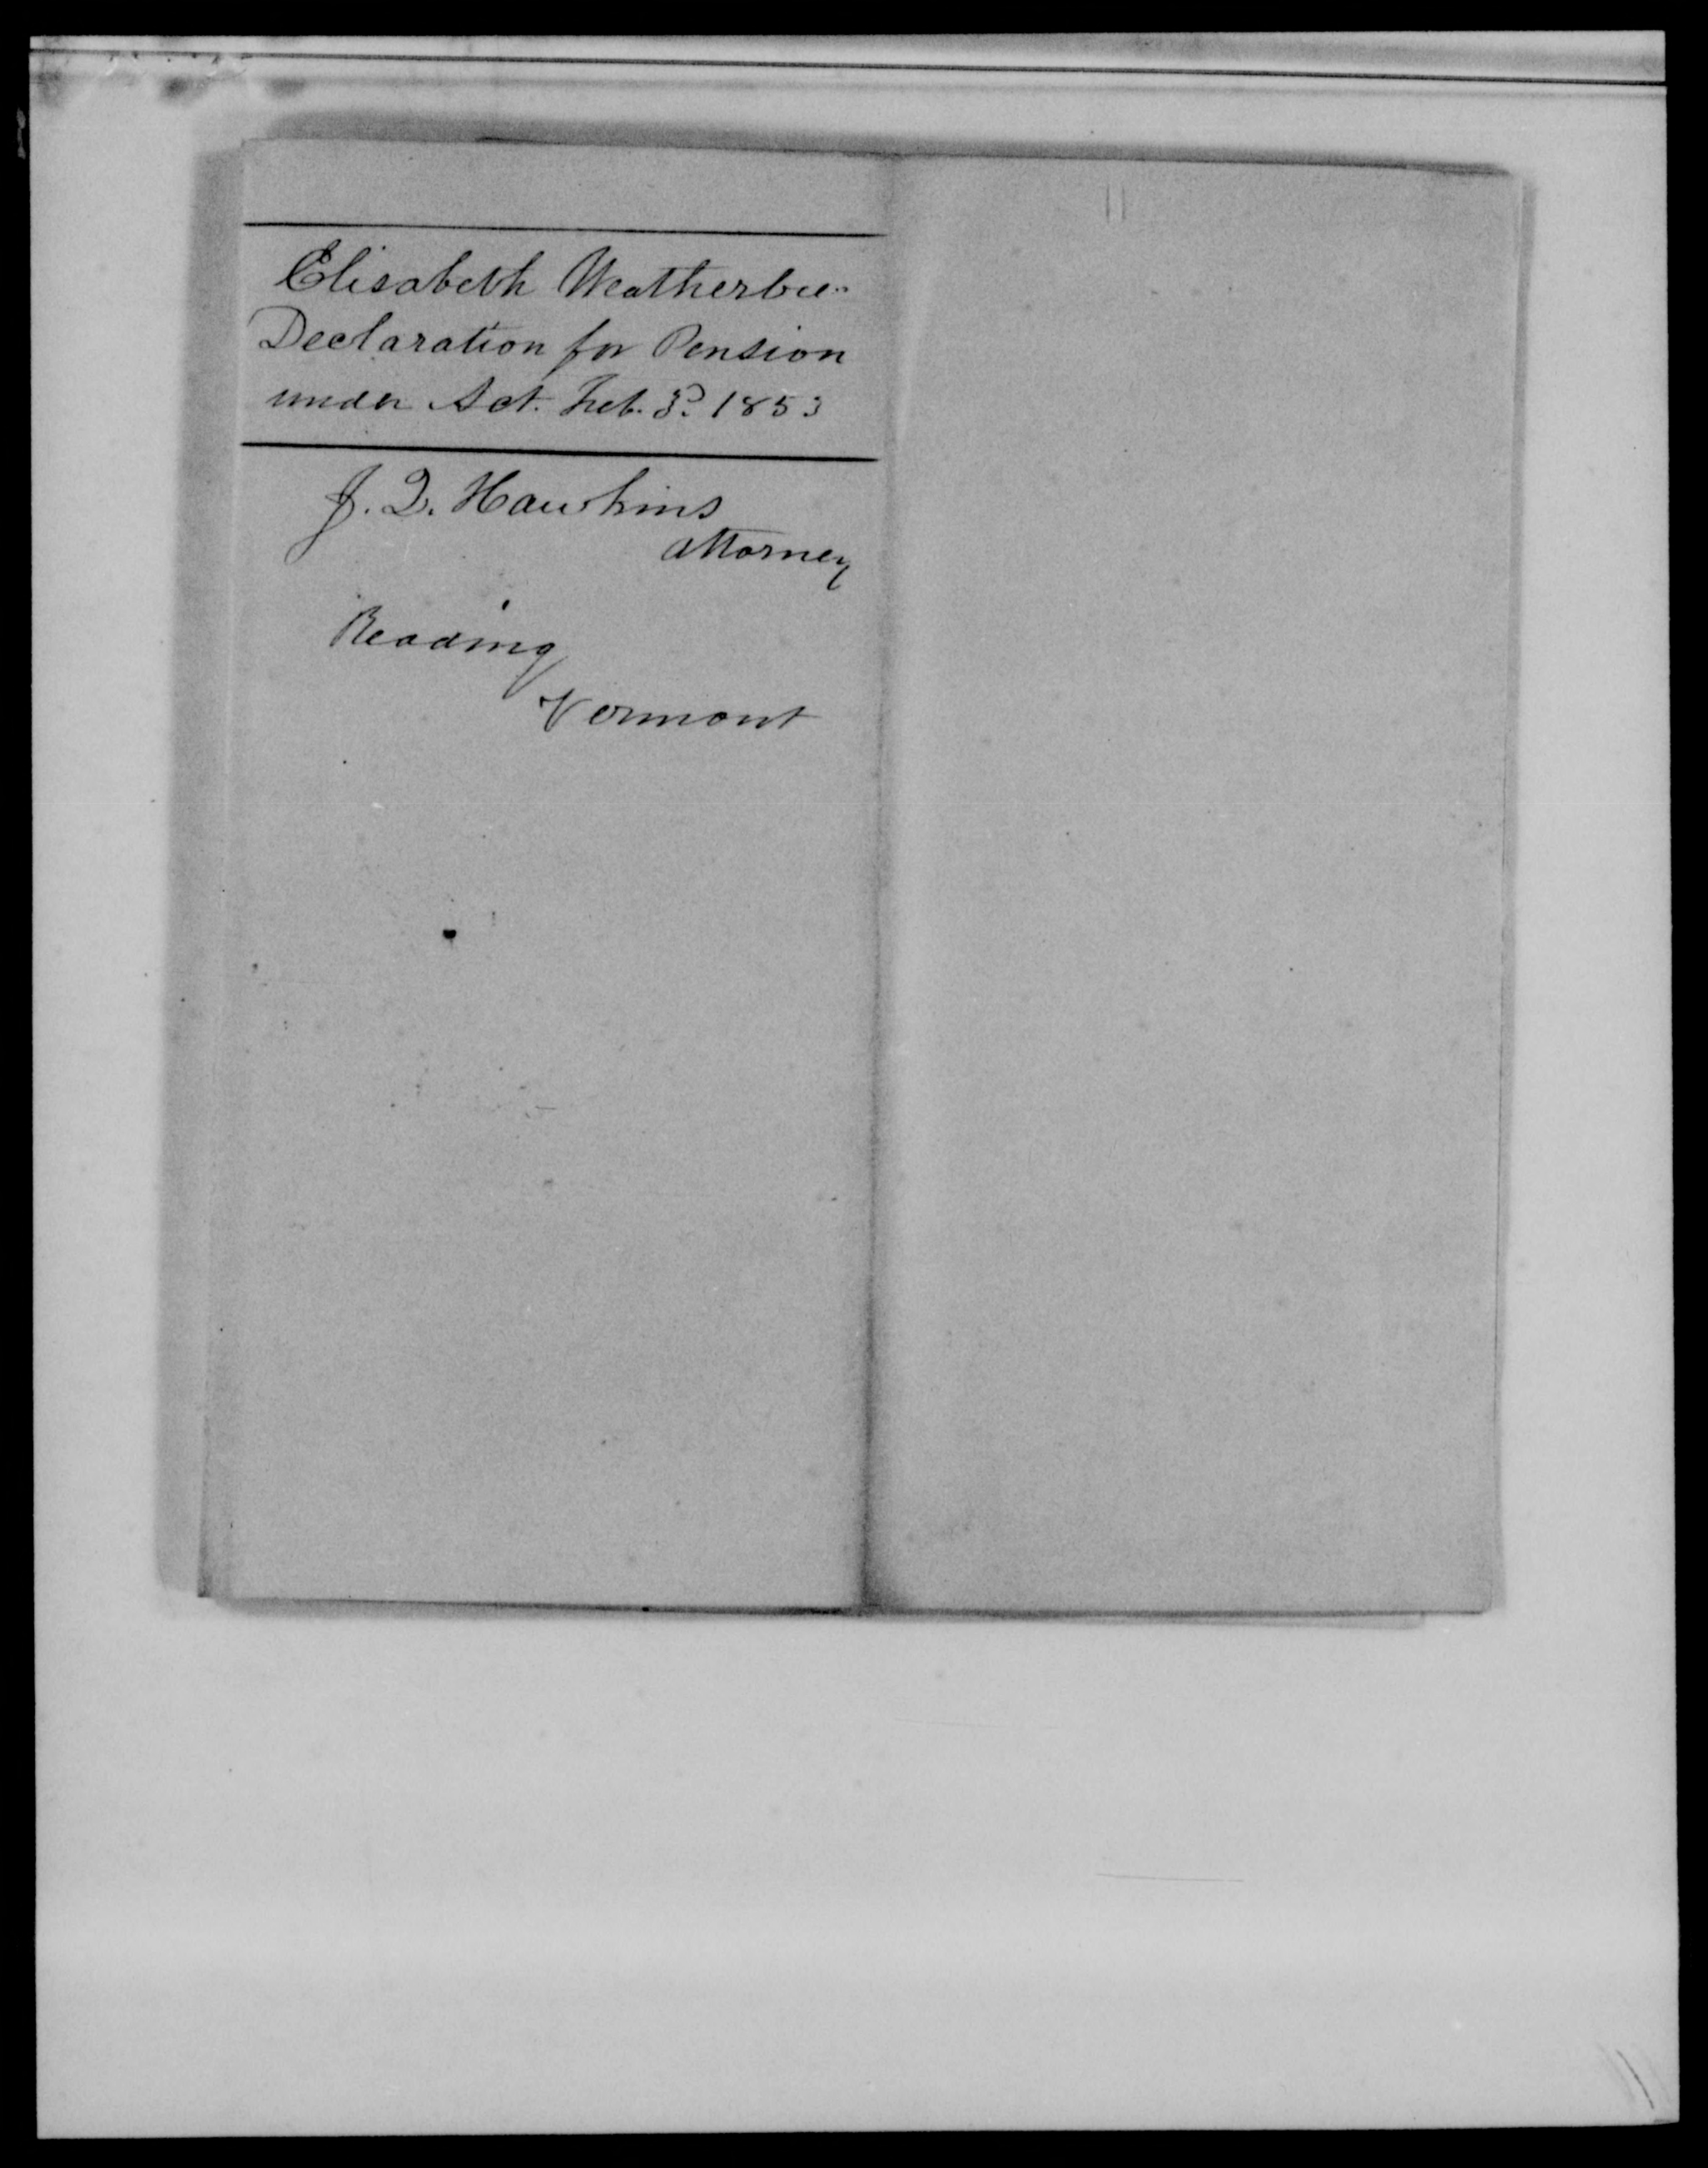Elisabeth Wetherbee
Declaration for Pension
under Act. Feb. 2d 1853
J. Q. Hawkins, attorney
Reading Vermont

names: Elisabeth Weatherbee, J Q Hawkins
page: 12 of 66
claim: widow's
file: W. 2468, Amos Wetherbee, Mass.